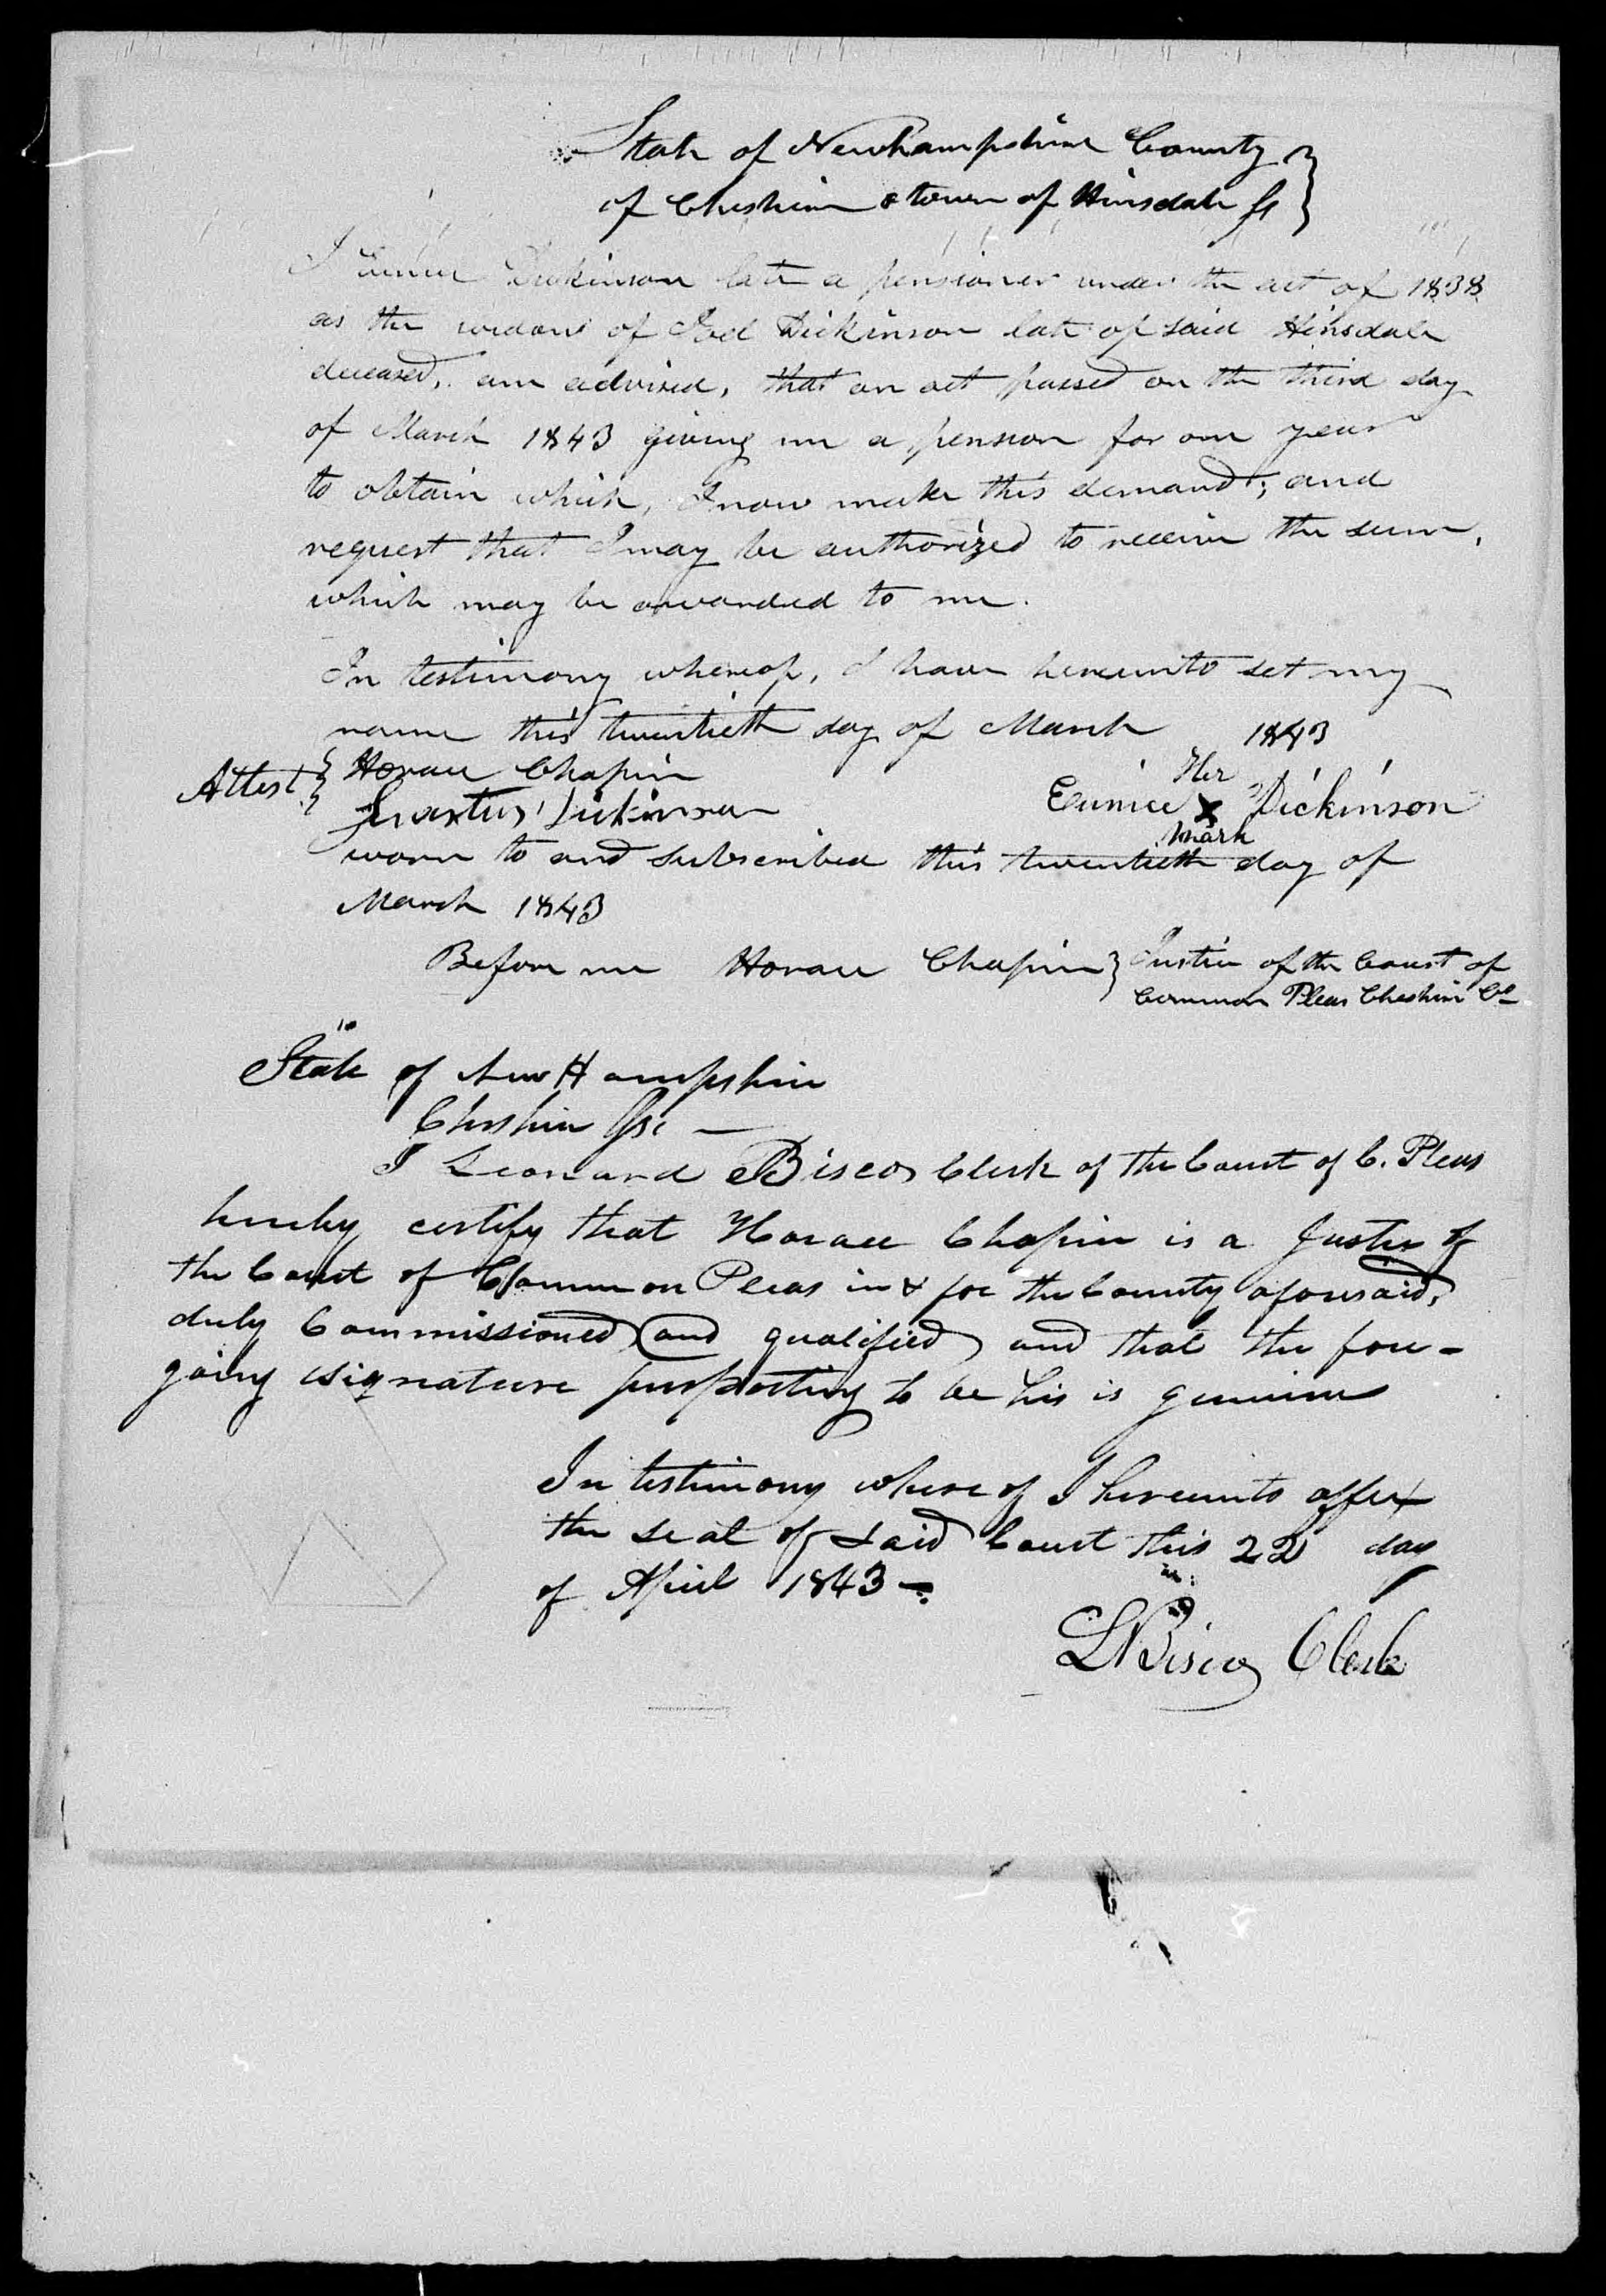State of Newhampshire County }
of Cheshire & town of Hinsdale Ss }
I Eunice Dickinson late a pensioner under the act of 1808 as the widow of Joel Dickinson late of said Hinsdale deceased, am advised, that an act passed on the third day of March 1843 giving one a pension for one year to obtain which, I now make this demand ; and request that I may be authorized to receive the sum, which may be awarded to me.
In testimony whereof, I have hereunto set my name this twentieth day of March 1843
Eunice Her X Mark Dickinson
Attest { Horace Chapin
{ Erastus Dickinson
Sworn to and subscribed this twentieth day of March 1843 
Before me Horace Chapin } Justice of the Court of Common Pleas Cheshire Ct.
State of New Hampshire
Cheshire Ss--
I Leonard Bisco Clerk of the Court of C. Pleas hereby certify that Horace Chapin is a Justice of the Court of Common Pleas in & for the County aforesaid, duly commissioned and qualified and that the foregoing signature purporting to be his is genuine.
In testimony whereof I hereunto affix the Seal of Said Court this 22 day of April 1843
L Bisco Clerk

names: Erastus Dickinson, Eunice Dickinson, Eunice Dickinson, Horace Chapin, L Bisco, Joel Dickinson, Horace Chapin, Horace Chapin, Leonard Bisco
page: 22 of 31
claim: widow's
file: W. 22946, Joel Dickinson, Mass.